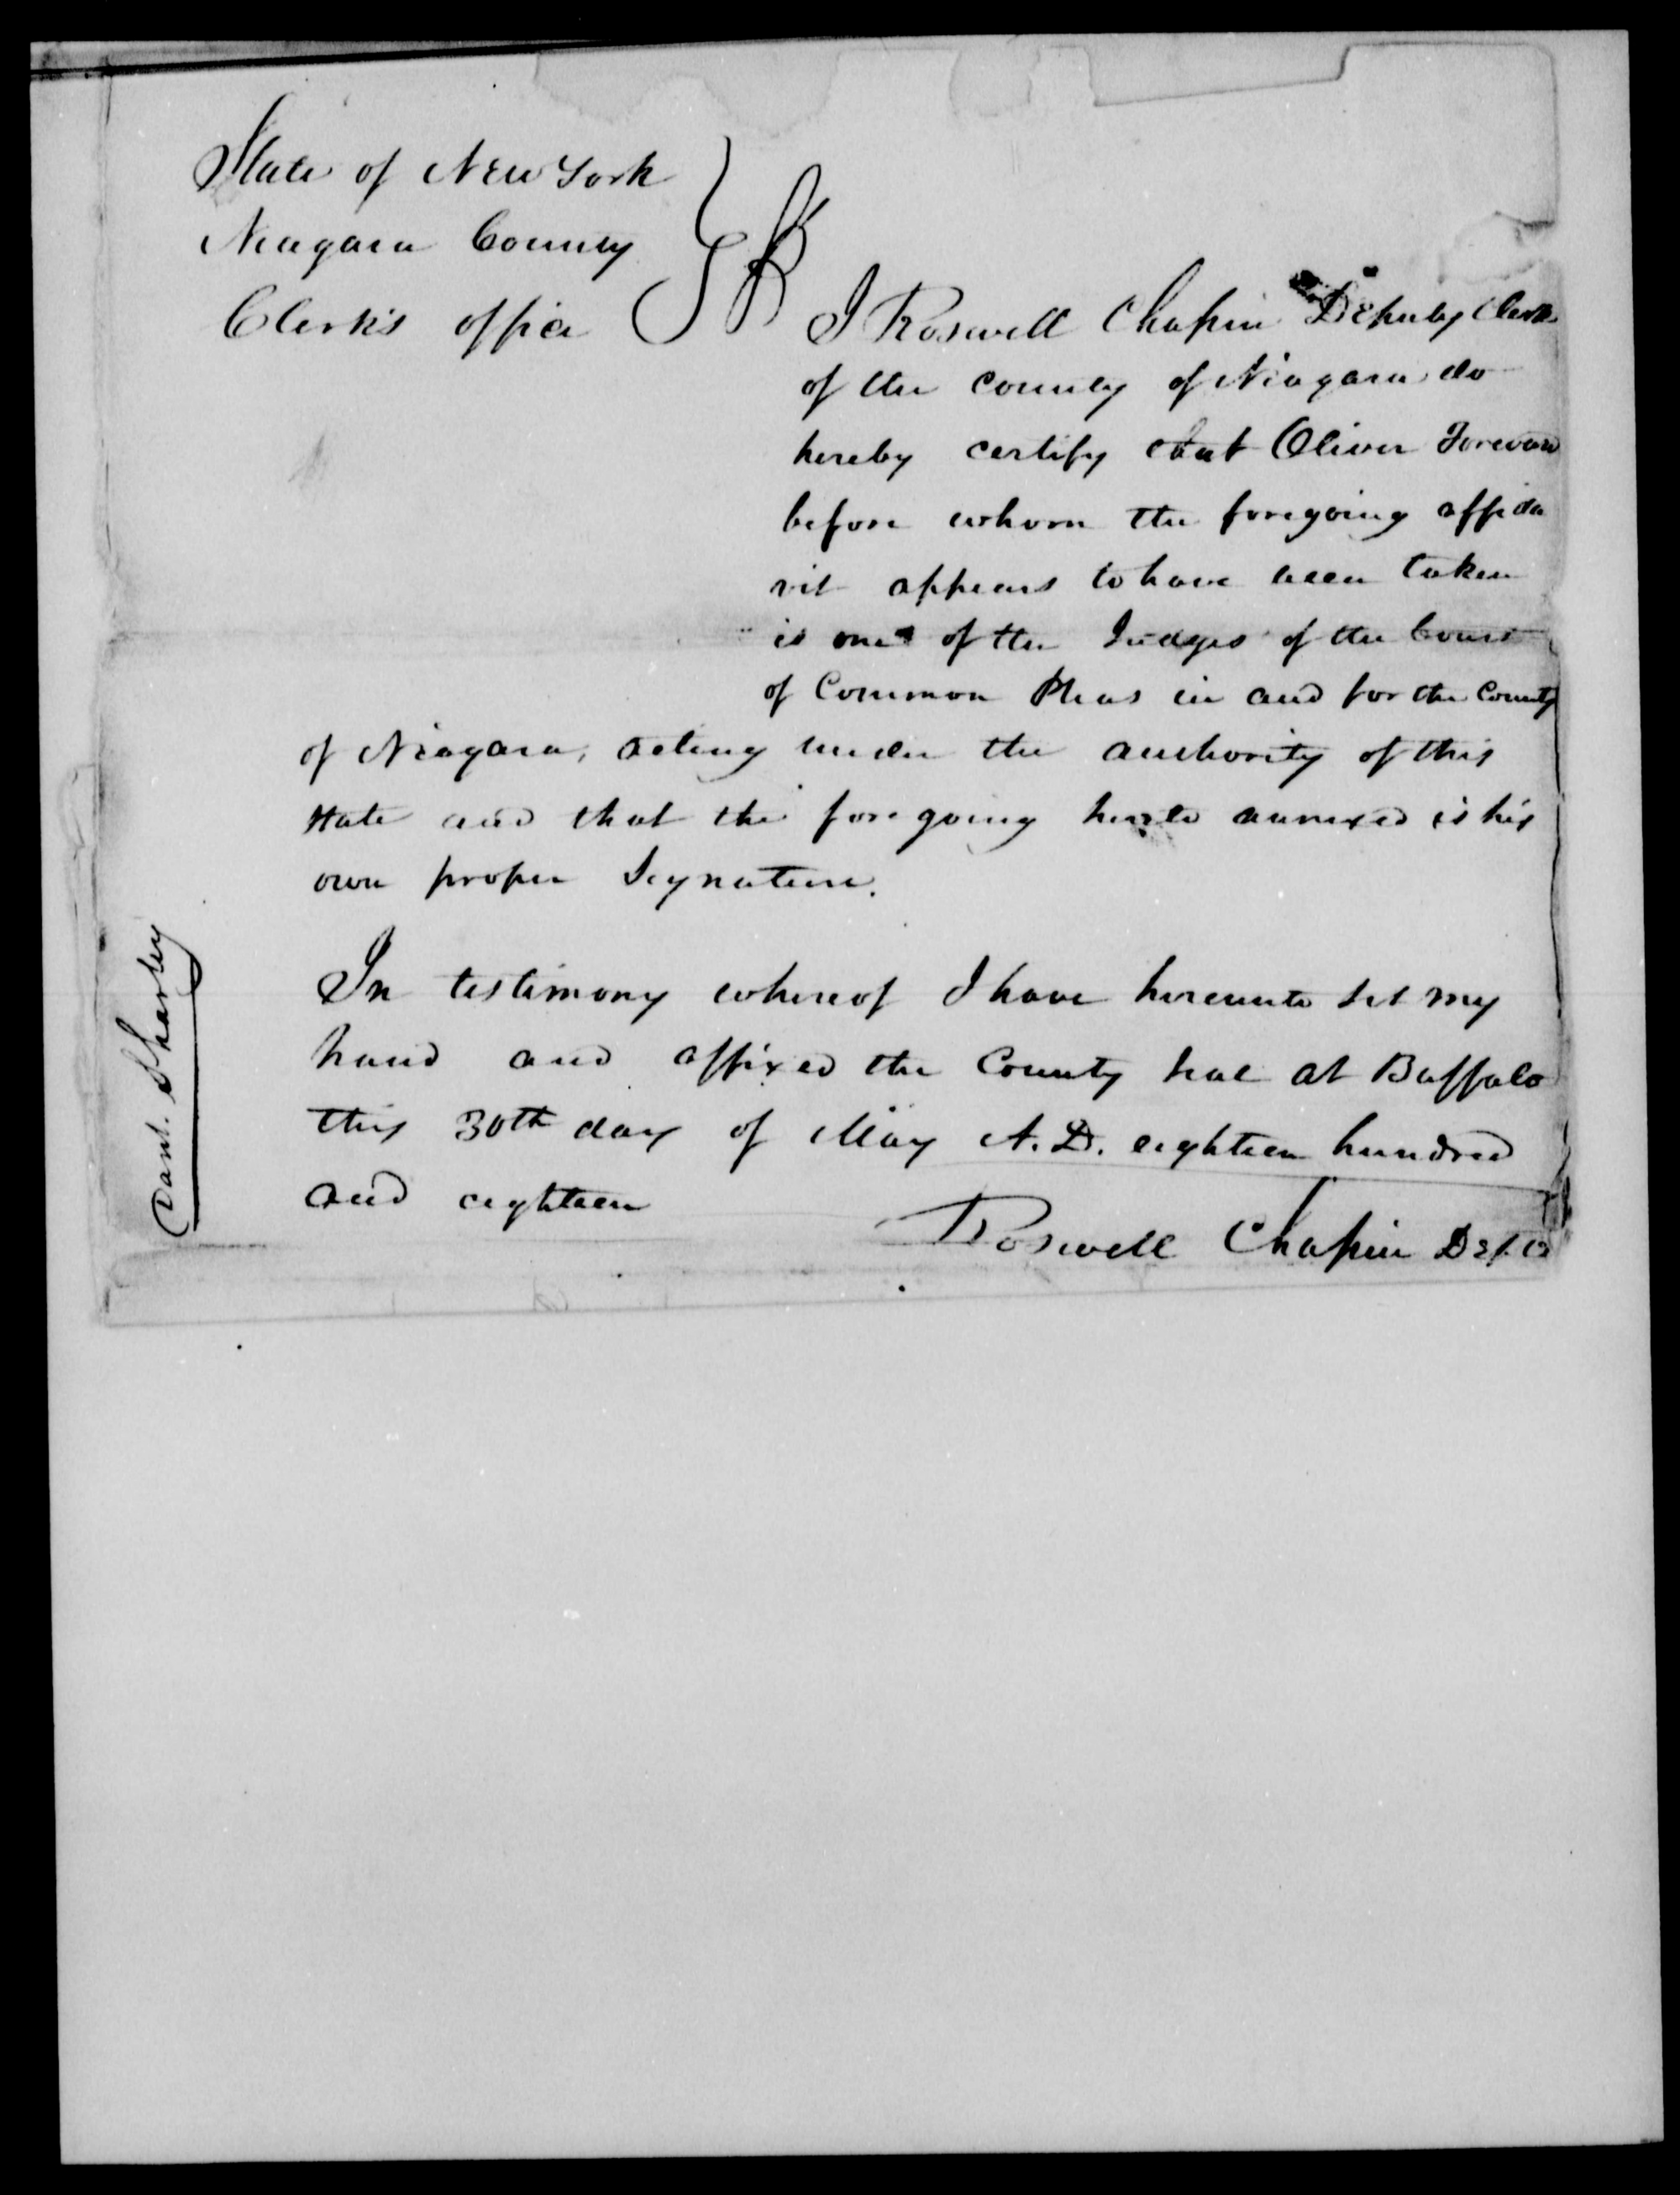State of New York     )
Niagara County        )  fs.
Clerk's office             )

I Roswell Chapin Deputy Clerk of the County of Niagara do hereby certify that Oliver Forward before whom the foregoing affidavit appears to have been taken is one of the Judges of the Court of Common Pleas in and for the County of Niagara, acting under the authority of this State and that the foregoing hereto annexed is his own proper Signature.

In testimony whereof I have hereunto set my hand and affixed the County Seal at Buffalo this 30th day of May A.D. eighteen hundred and eighteen
Roswell Chapin  Dep C

[written vertically on left edge of page]
Dan'l. Shirley
___________________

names: Roswell Chapin; Oliver Forward; Roswell Chapin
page: 11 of 20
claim: survivor's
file: S. 40412, for Daniel Shirley, New Hampshire